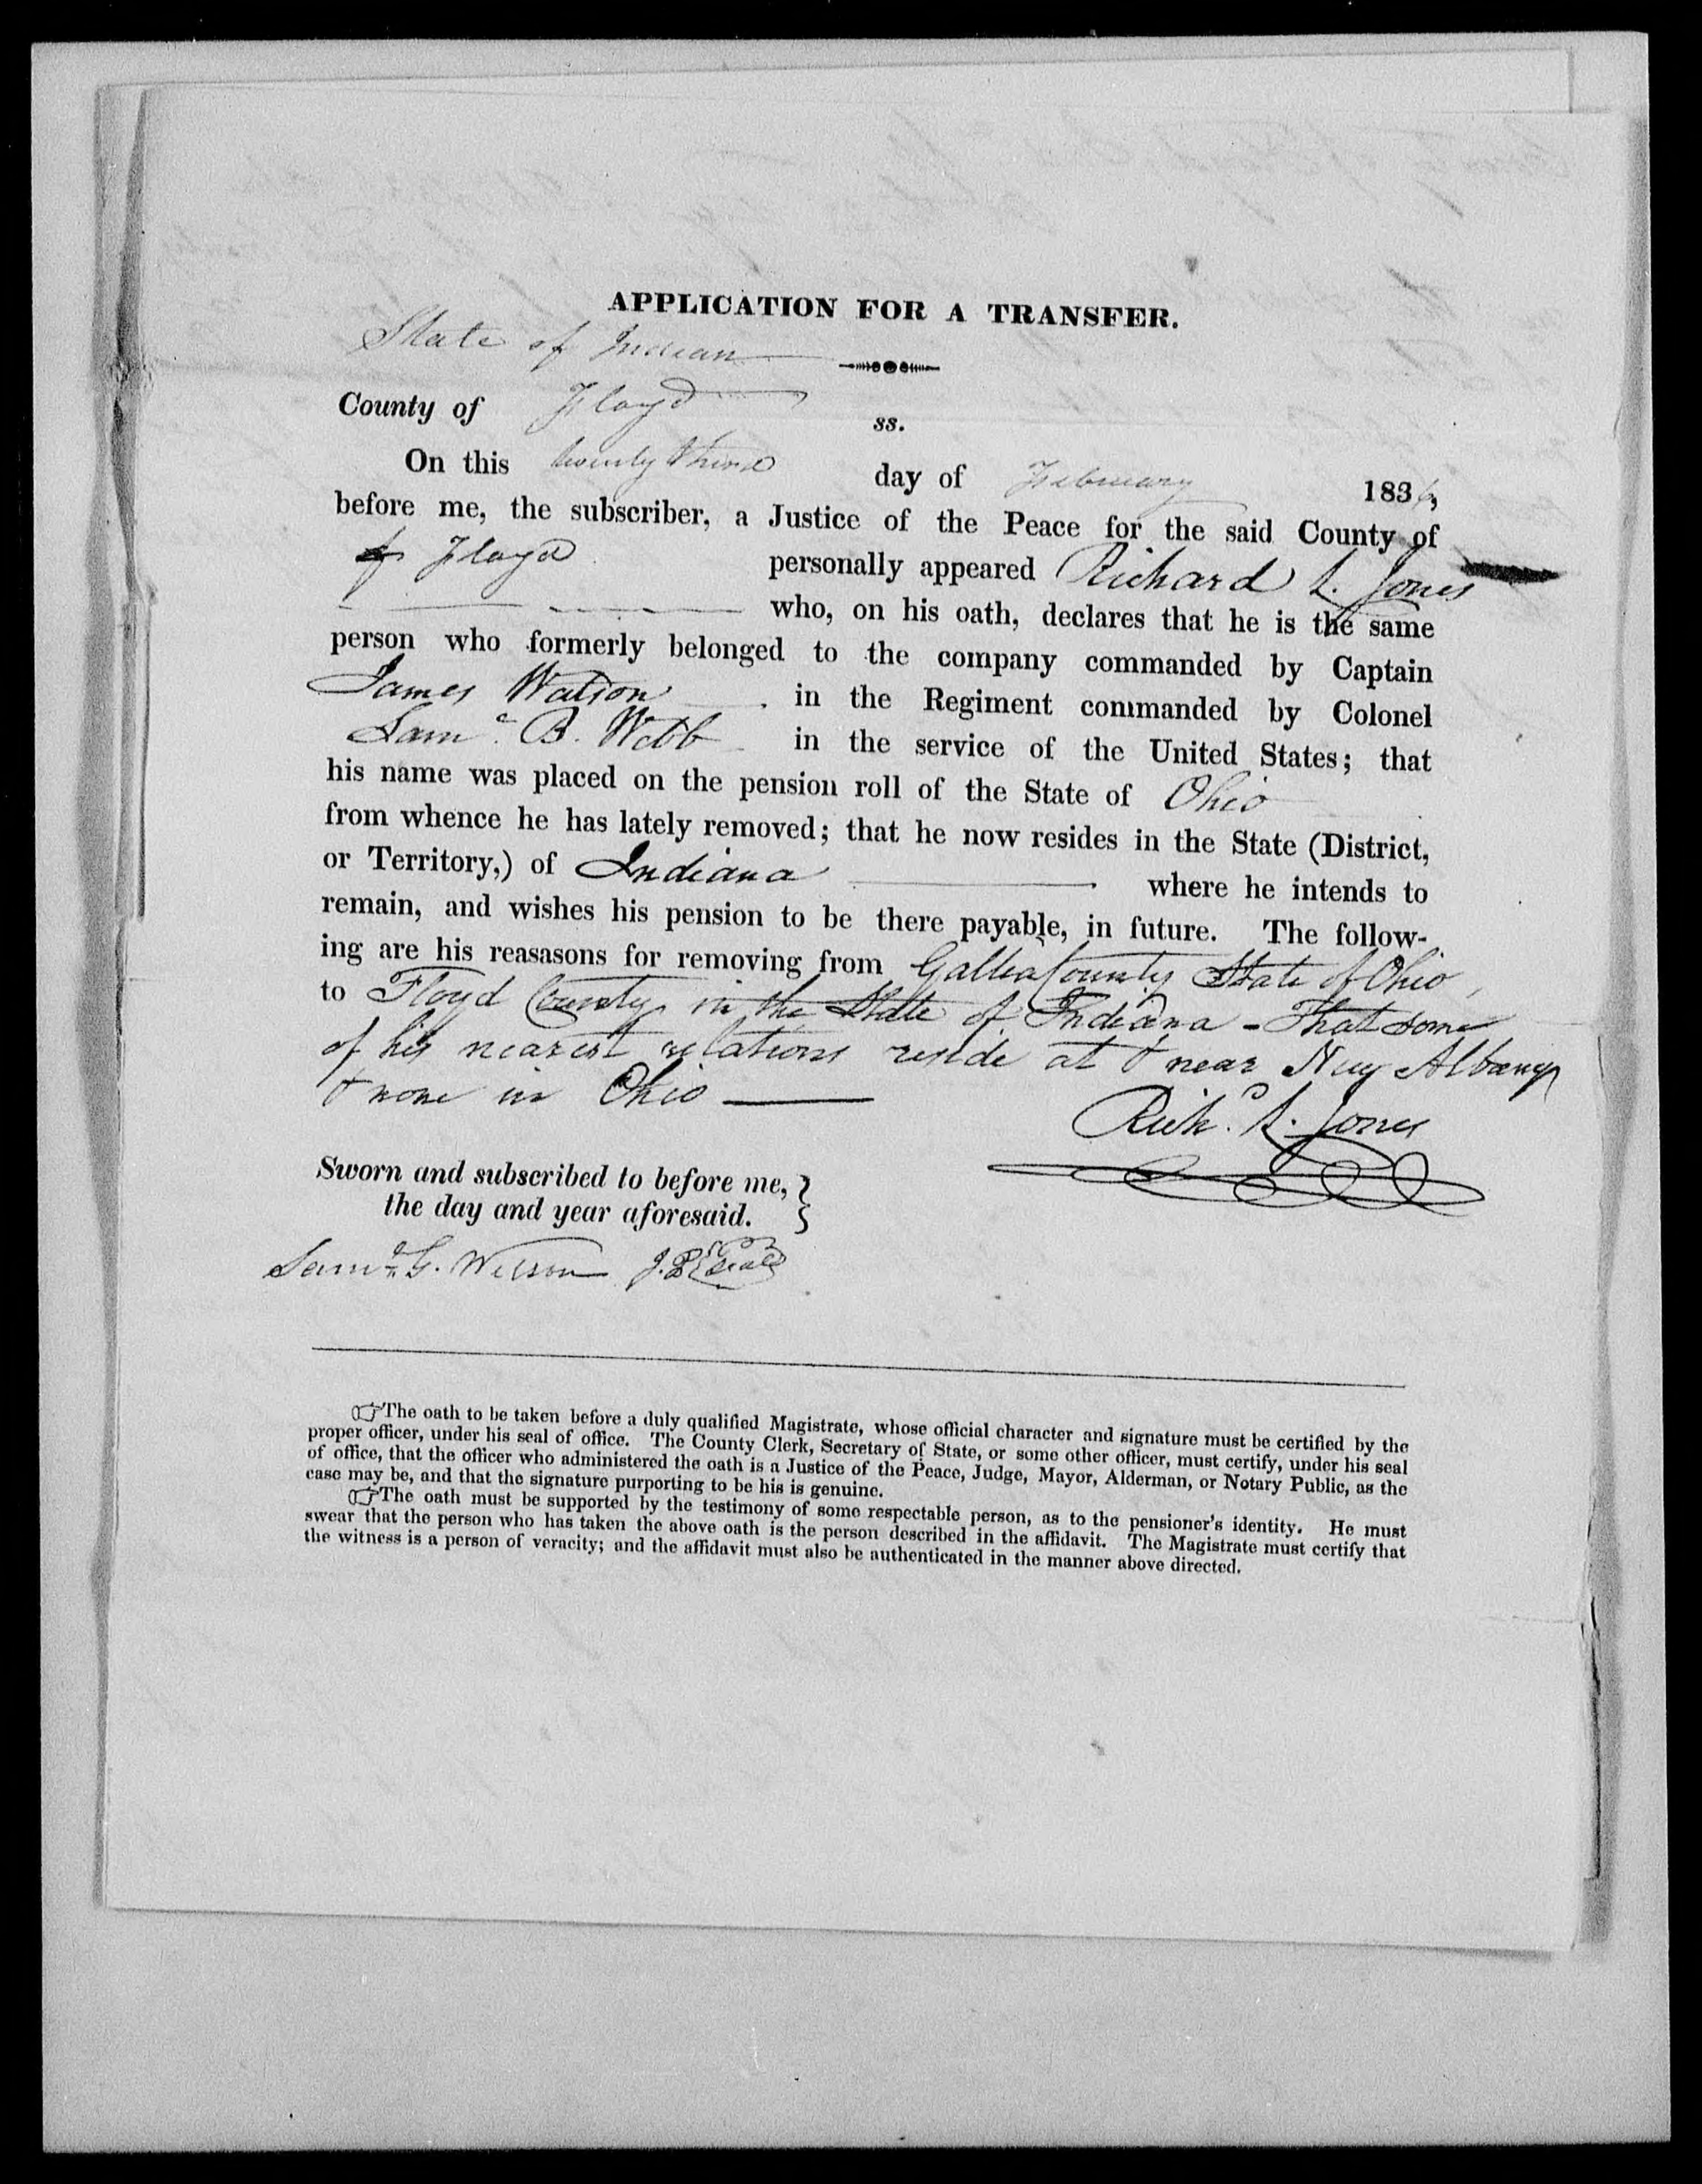APPLICATION FOR A TRANSFER.
State of
Indiana
County of Floyd SS.
On this twenty third day of February
1836, before me, the subscriber, a Justice of the Peace for the said County of Floyd
personally appeared Richard L. Jones who, on his oath, declares that he is the same
person who formerly belonged to the company commanded by Captain James Watson in the Regiment commanded by Colonel Sam B. Webb in the service of the United States; that his name was placed on the pension roll of the State of Ohio from whence he has lately removed; that he now resides in the State (District, or Territory,) of Indiana
where he intends to remain, and wishes his pension to be there payable, in future. The following are his reasons for removing from Gallia County State of Ohio  to Floyd County in the State of Indiana - That some of his nearest relations reside at & near New Albany
& none in Ohio
Richd, S. Jones
Sworn and subscribed to before me,
the day and year aforesaid.
Saml G Wilson J. P. [handwritten seal]

[Pointing finger graphic] The oath to be taken before a duly qualified Magistrate, whose official character and signature must be certified by the proper office, under his seal of office. The County Clerk, Secretary of State, or some other officer, must certify, under his seal
of office that the officer who administered the oath is a Justice of the Peace, Judge, Mayor, Alderman, or Notary Public, as the case may be, and that the signature purporting to be his is genuine
[Pointing finger graphic] The oath must be supported by the testimony of some respectable person, as to the pensioner's identity. He must swear that the person who has taken the above oath is the person described in the fit. The Magistrate must certify that the witness is a person of veracity; and the affidavit must also be authenticated in the manner above directed.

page: 53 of 62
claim: widow's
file: W. 765, for Richard L Jones, Connecticut